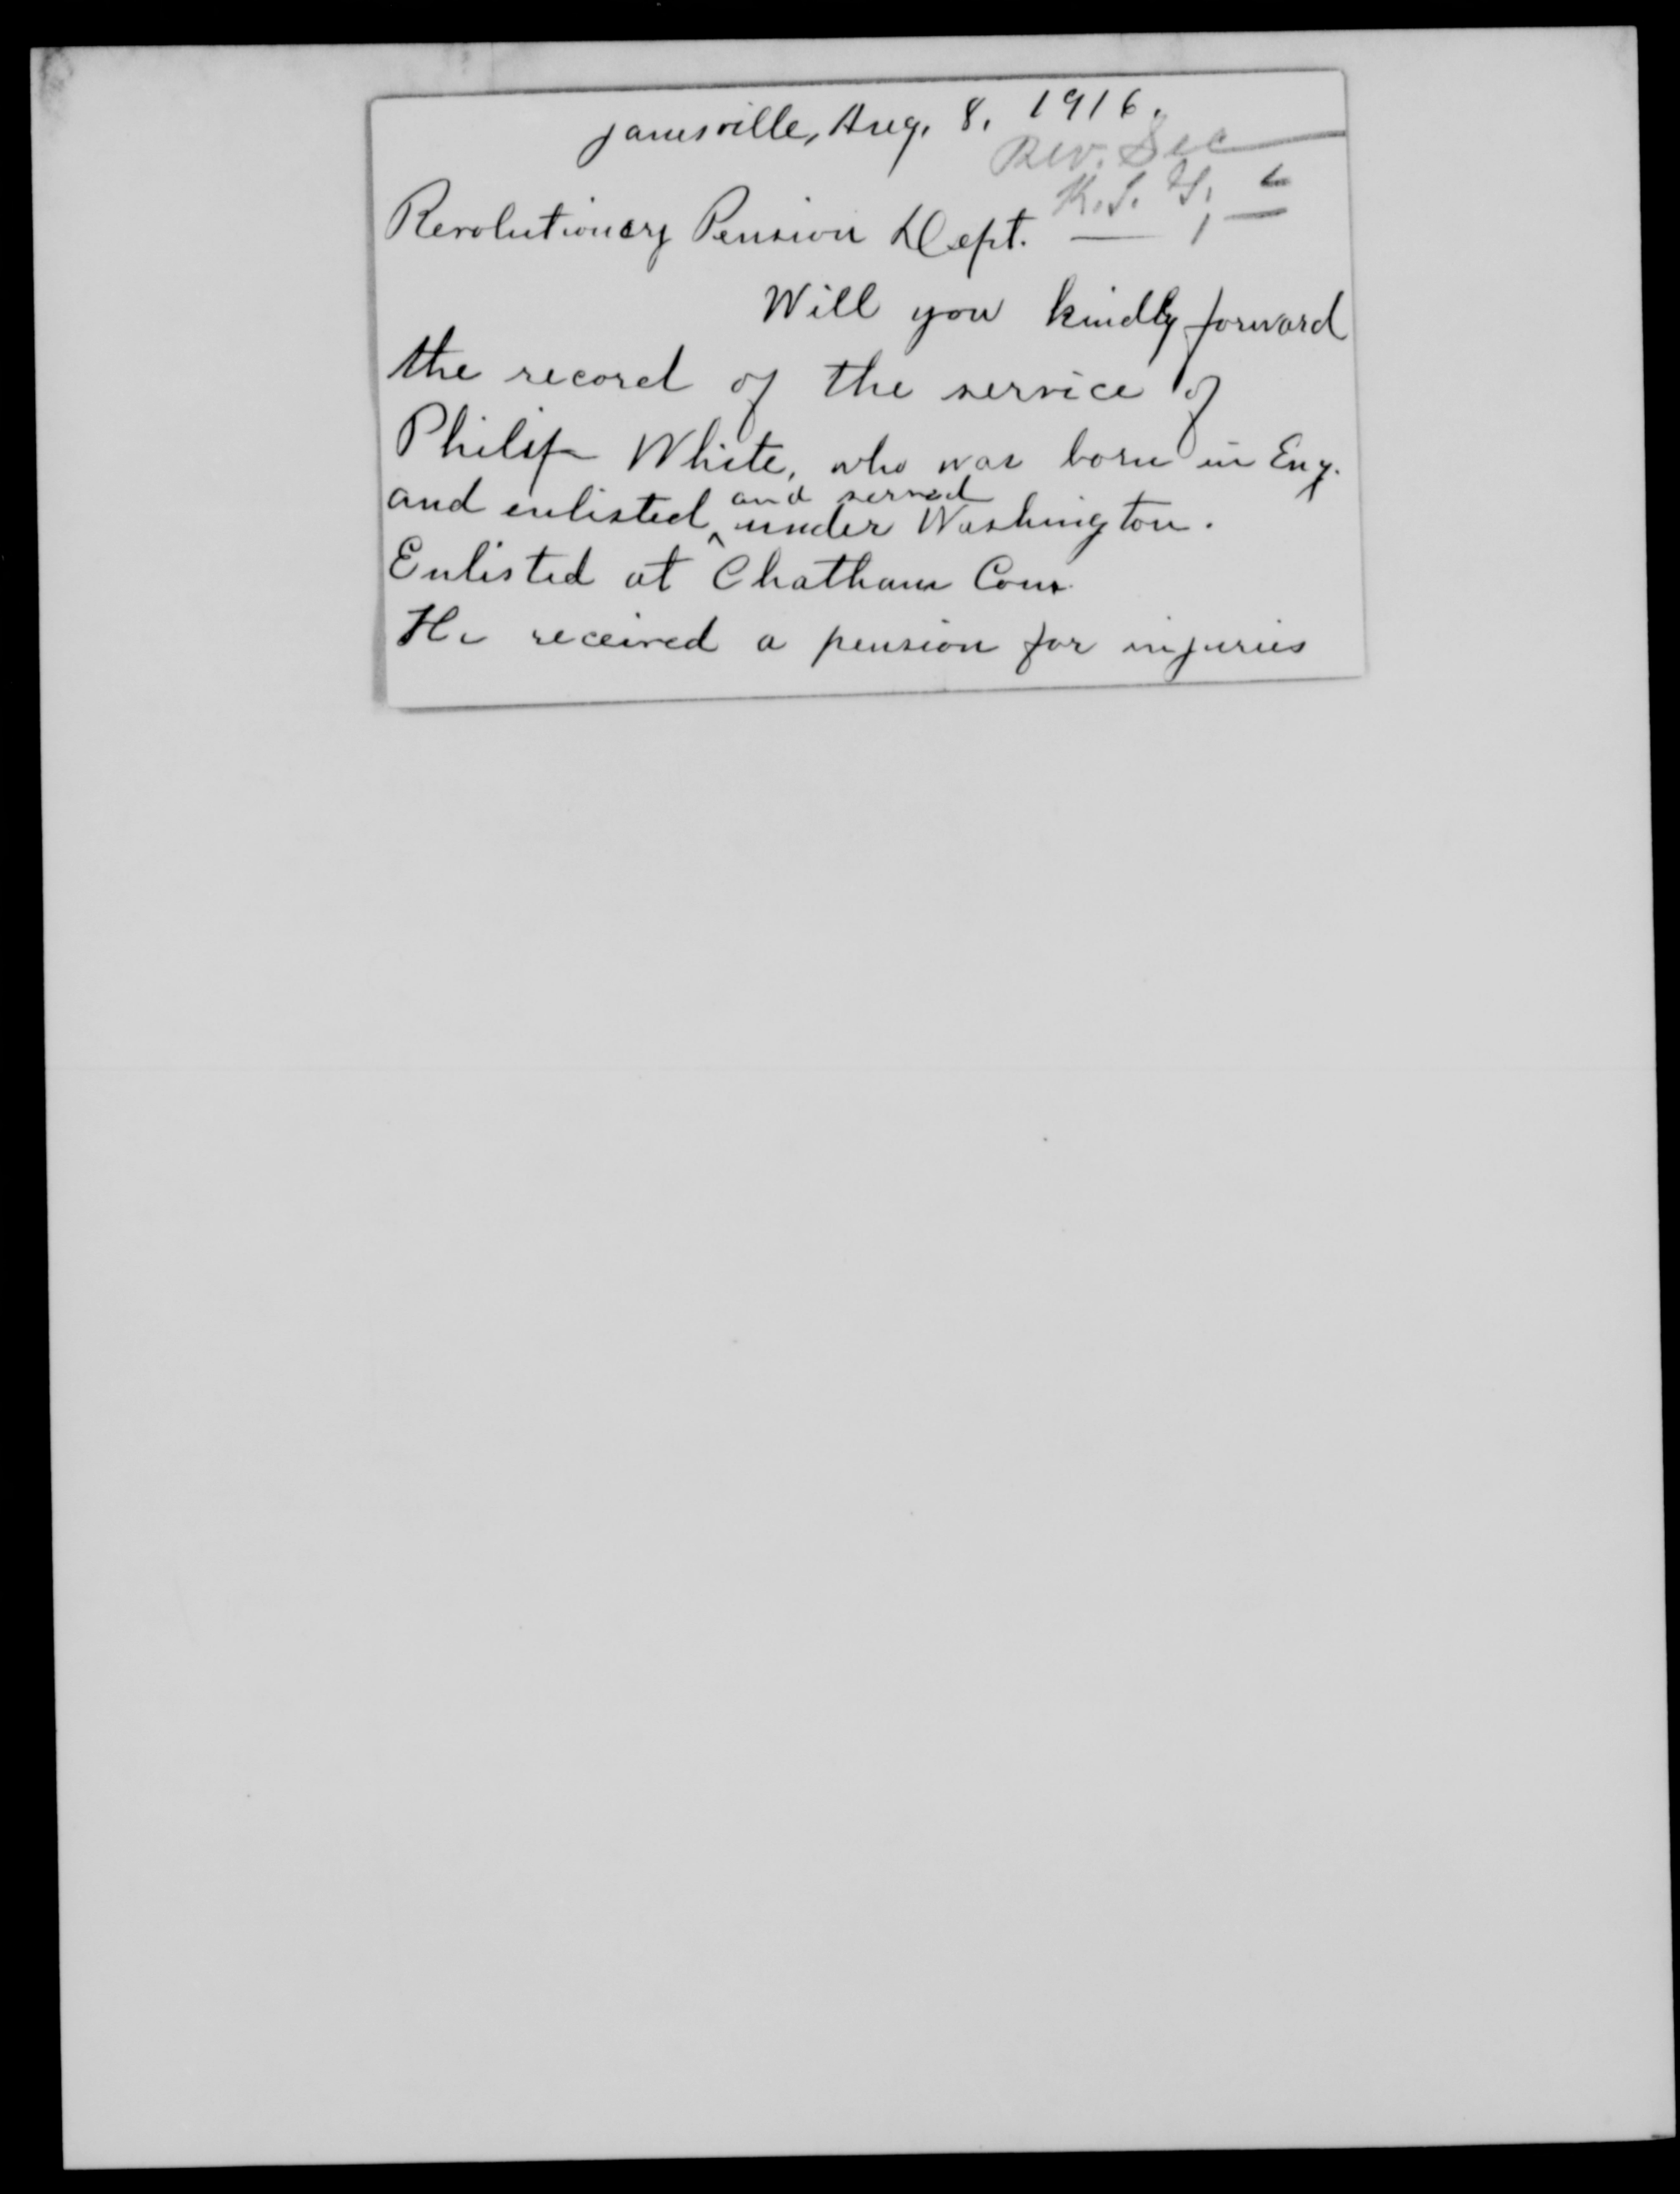Janesville, Aug. 8, 1916

Rev. Sec
K.S.G. 

Revolutionary Pension Dept.
Will you kindly forward
the record of the service of
Philip White, who was born in Eng.
and enlisted [inserted, two words:] and served under Washington.
Enlisted at Chatham Coun.
He received a pension for injuries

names: Philip White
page: 37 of 50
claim: widow's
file: W. 25,969, Philip White, Conn.